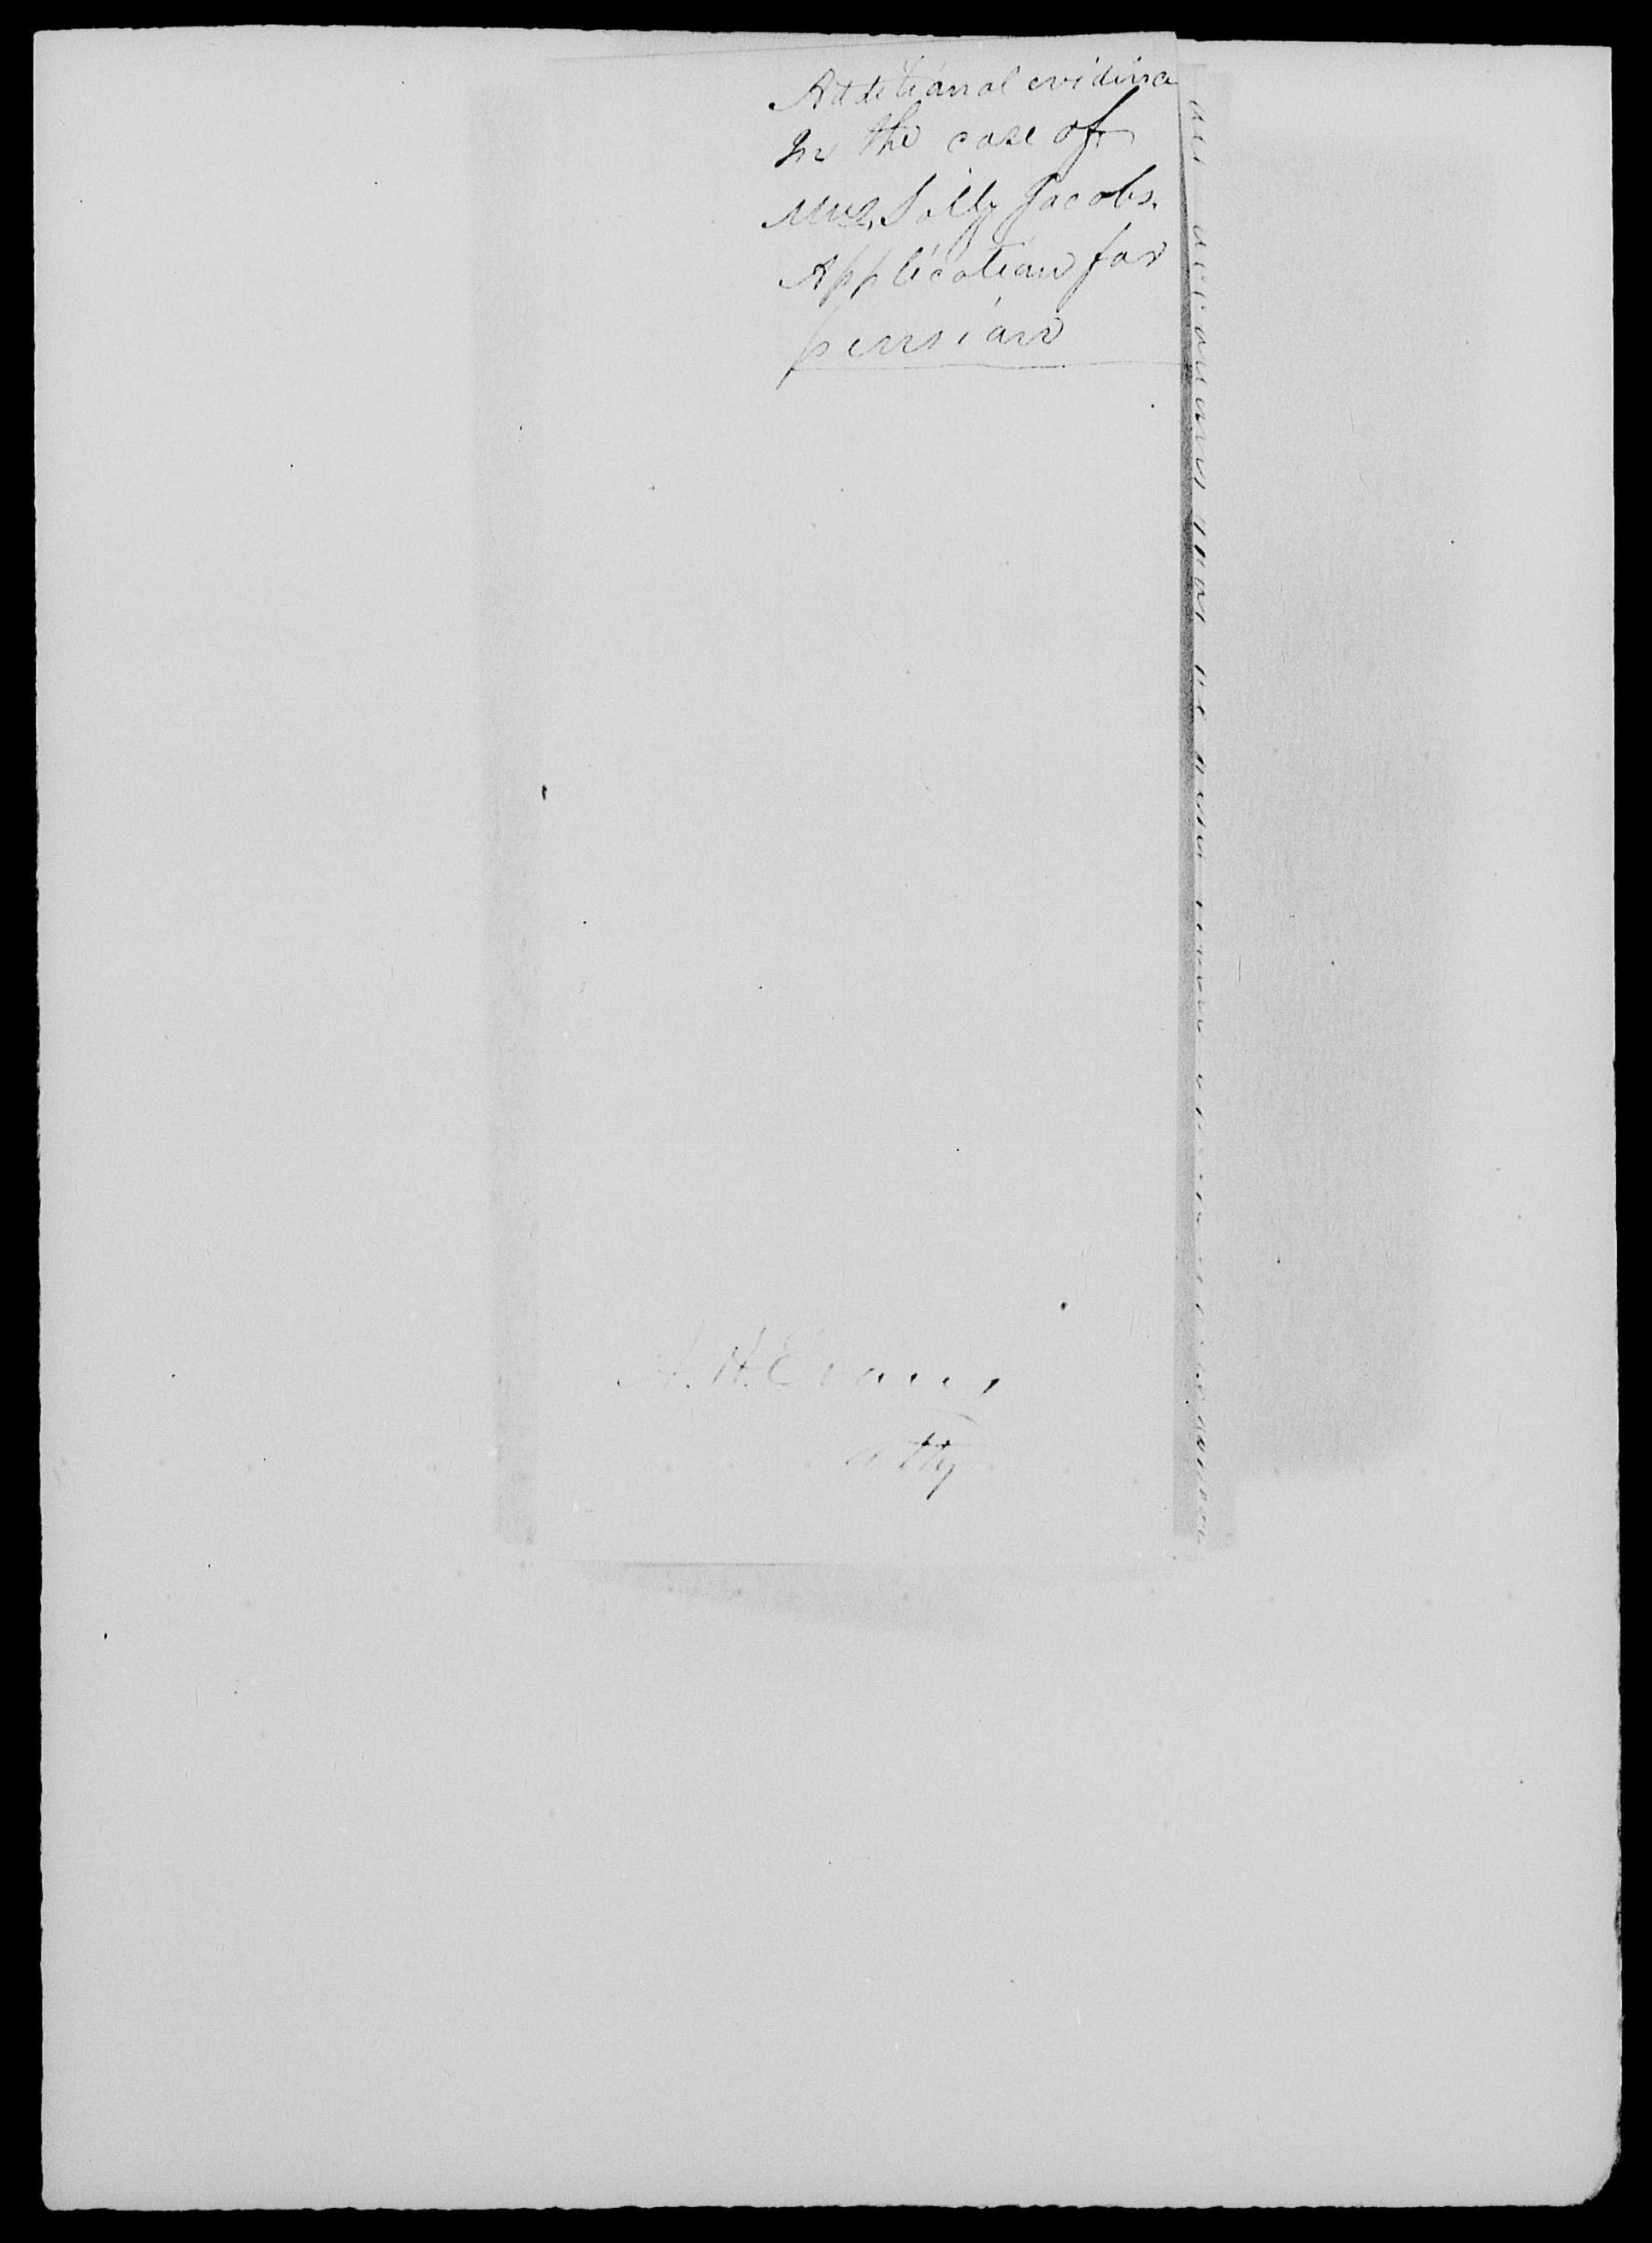Additional evidince In the case of Mrs. Sally Jacobs, Application for Pension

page: 17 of 40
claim: widow's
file: W. 5304, for Zachariah Jacobs, North Carolina